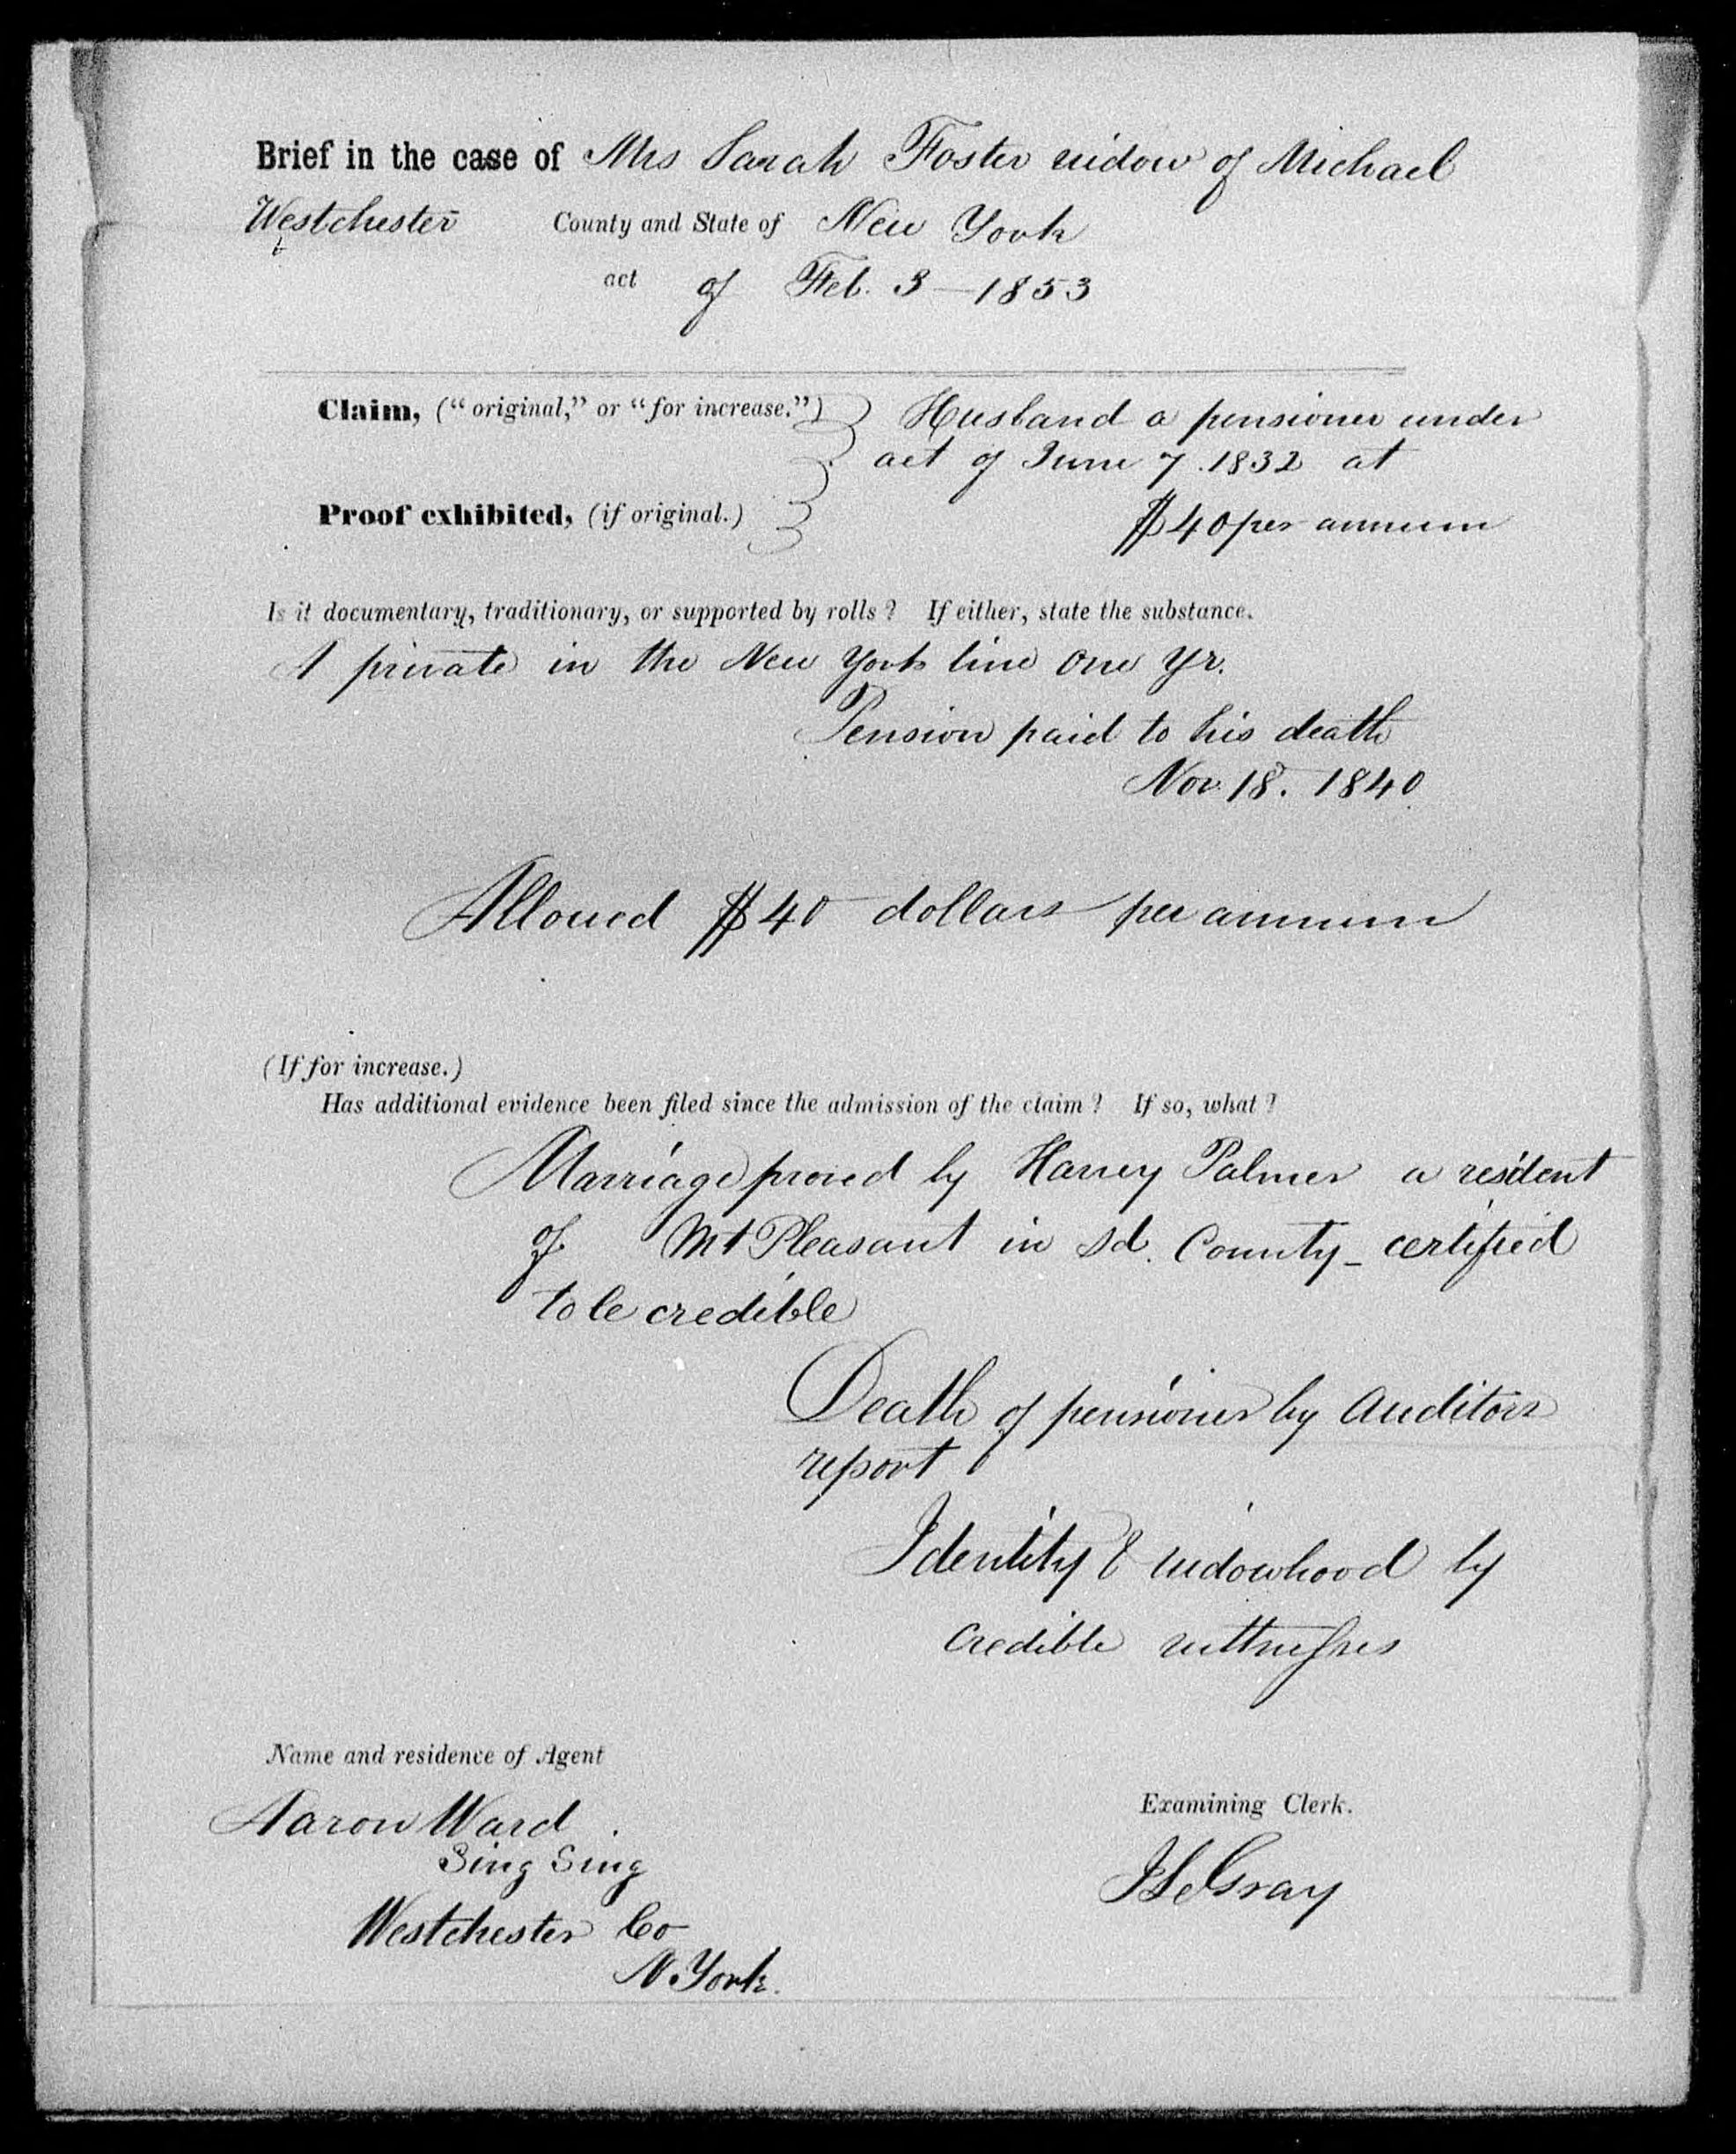(Form letter with handwritten notes inserted)

Brief in the case of Mrs Sarah Foster widow of Michael
Westchester County and State of New York
act of Feb. 3 1853
_______________________________________
Claim, ("original," or "for increase."
Husband a pensioner under act of June 7 1832 at $40 per annum
Proof exhibited, (if original.)

Is it documentary, traditional, or supported by rolls? If either, state the substance.
A private in the New York line one yr.
Pension paid to his death
Nov. 18. 1840

Allowed $40 dollars per annum

(If for increase.)
Has additional evidence been filed since the admission of the claim? If so, what?
Marriage proved by Harvey Palmer a resident of Mt Pleasant in sd. County-certified to be credible
Death of previous by auditors report
Identity & widowhood by credible witness

Examining Clerk
J. S. Gray

Name and residence of Agent
Aaron Ward
Sing Sing
Westchester co
N York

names: J S Gray, Sarah Foster, Harvey Palmer, Michael Foster, Aaron Ward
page: 37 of 57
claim: widow's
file: W. 5275 1/2, Michael Foster, Penn.